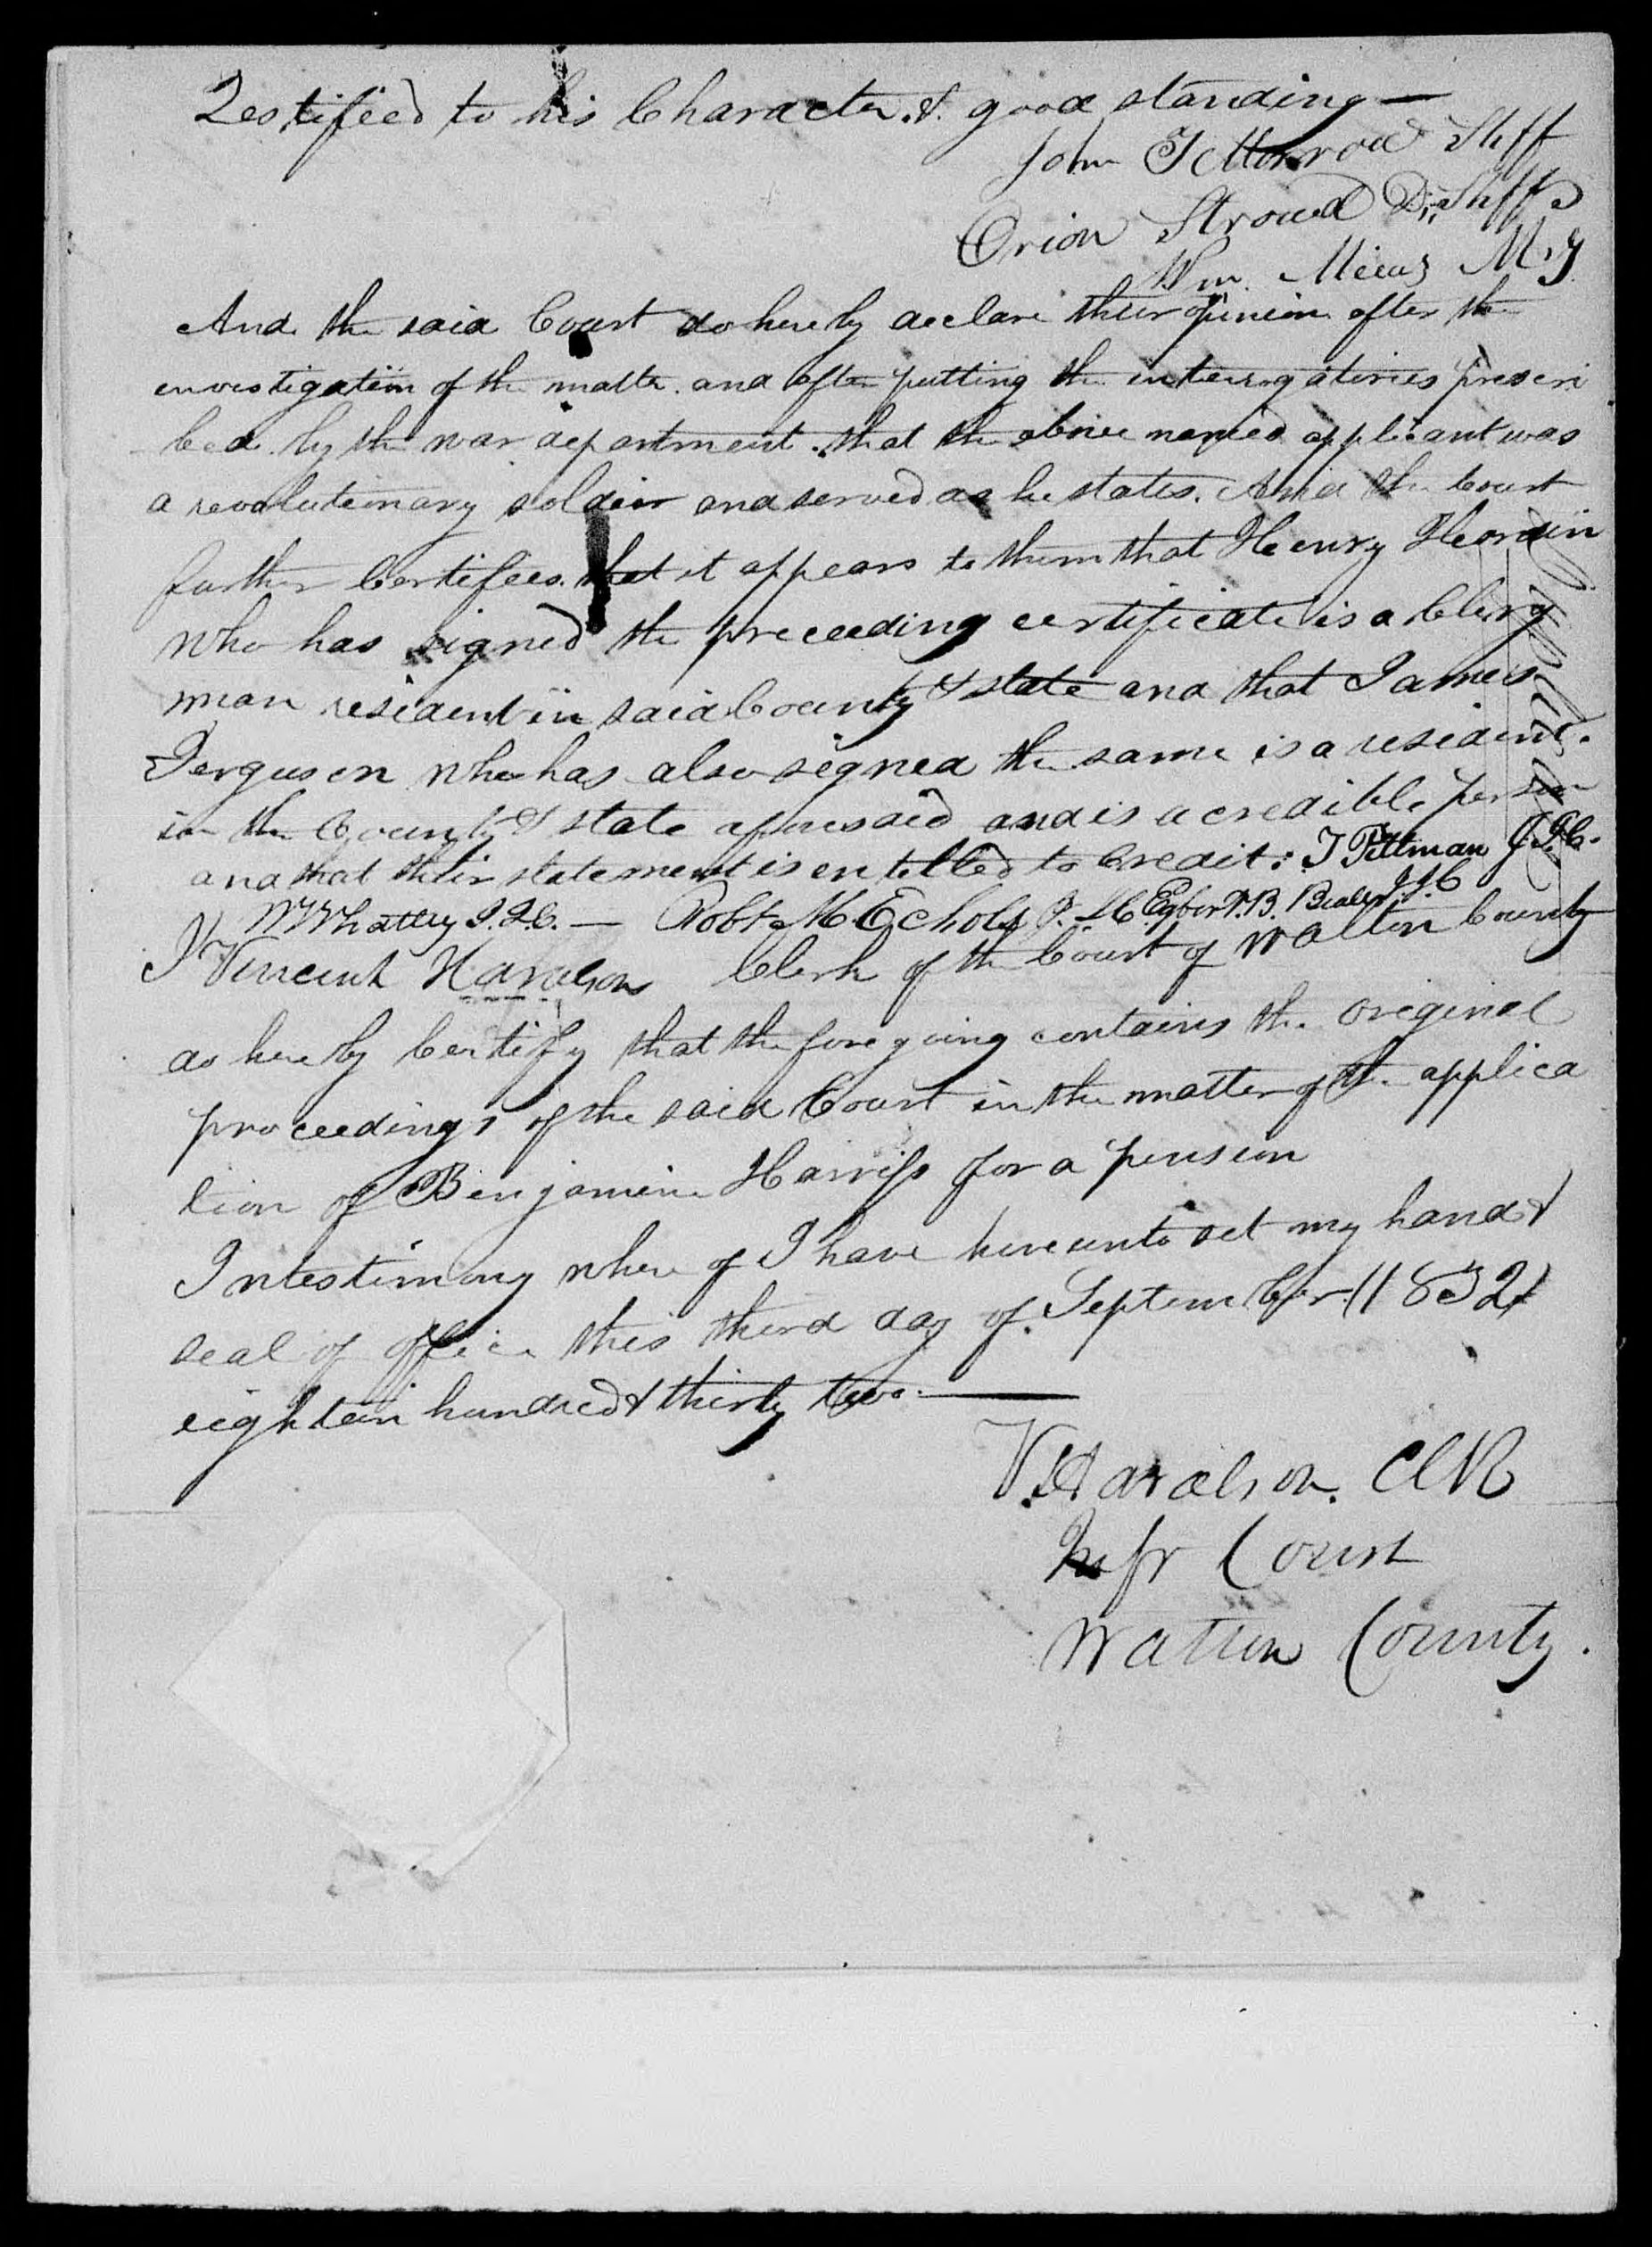Testified to his Character of good standing
John T. Morrow Steff
Orion Stroud 
Wm Meins

And the said Court do hereby declare their opinion after the investigation of the matter and after putting the interrogatories prescribed by the war department that the above named applicant was a revolutionary soldier and served as he states. and the Court further certifies that it appears to them that Henry Hardin who has signed the preceeding certificate is clergyman resident in said County & State and that James Ferguson who has also signed the same is a resident. in the County & State aforesaid and is a credible person and that their statement is entitled to credit. 
T Pittman Whatley J.J.C. 
Robt M Echols 
J. Heber 
J. B. Beal 

I Vincent Haralson Clerk of the Court of Walton as hereby certify that the foregoing contains the original proceedings of the said Court in the matter of application of Benjamin Harriss for a pension 

In testimony whereof I have hereunto set my hand seal of of this third day of September 1832 - eighteen hundred & thirty
V Haralson Clk Infr Court Walton County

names: B Beale, V Haralson, J H Egbert, Benjamine Harriss, Robt M Echols, Henry Hardin, Wm Meins, W Whatley, John T Morrow, T Pittman, Vincent Haralson, Orion Strand, James Ferguson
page: 33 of 62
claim: survivor's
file: S. 38816, Benjamin Harris, Mass.